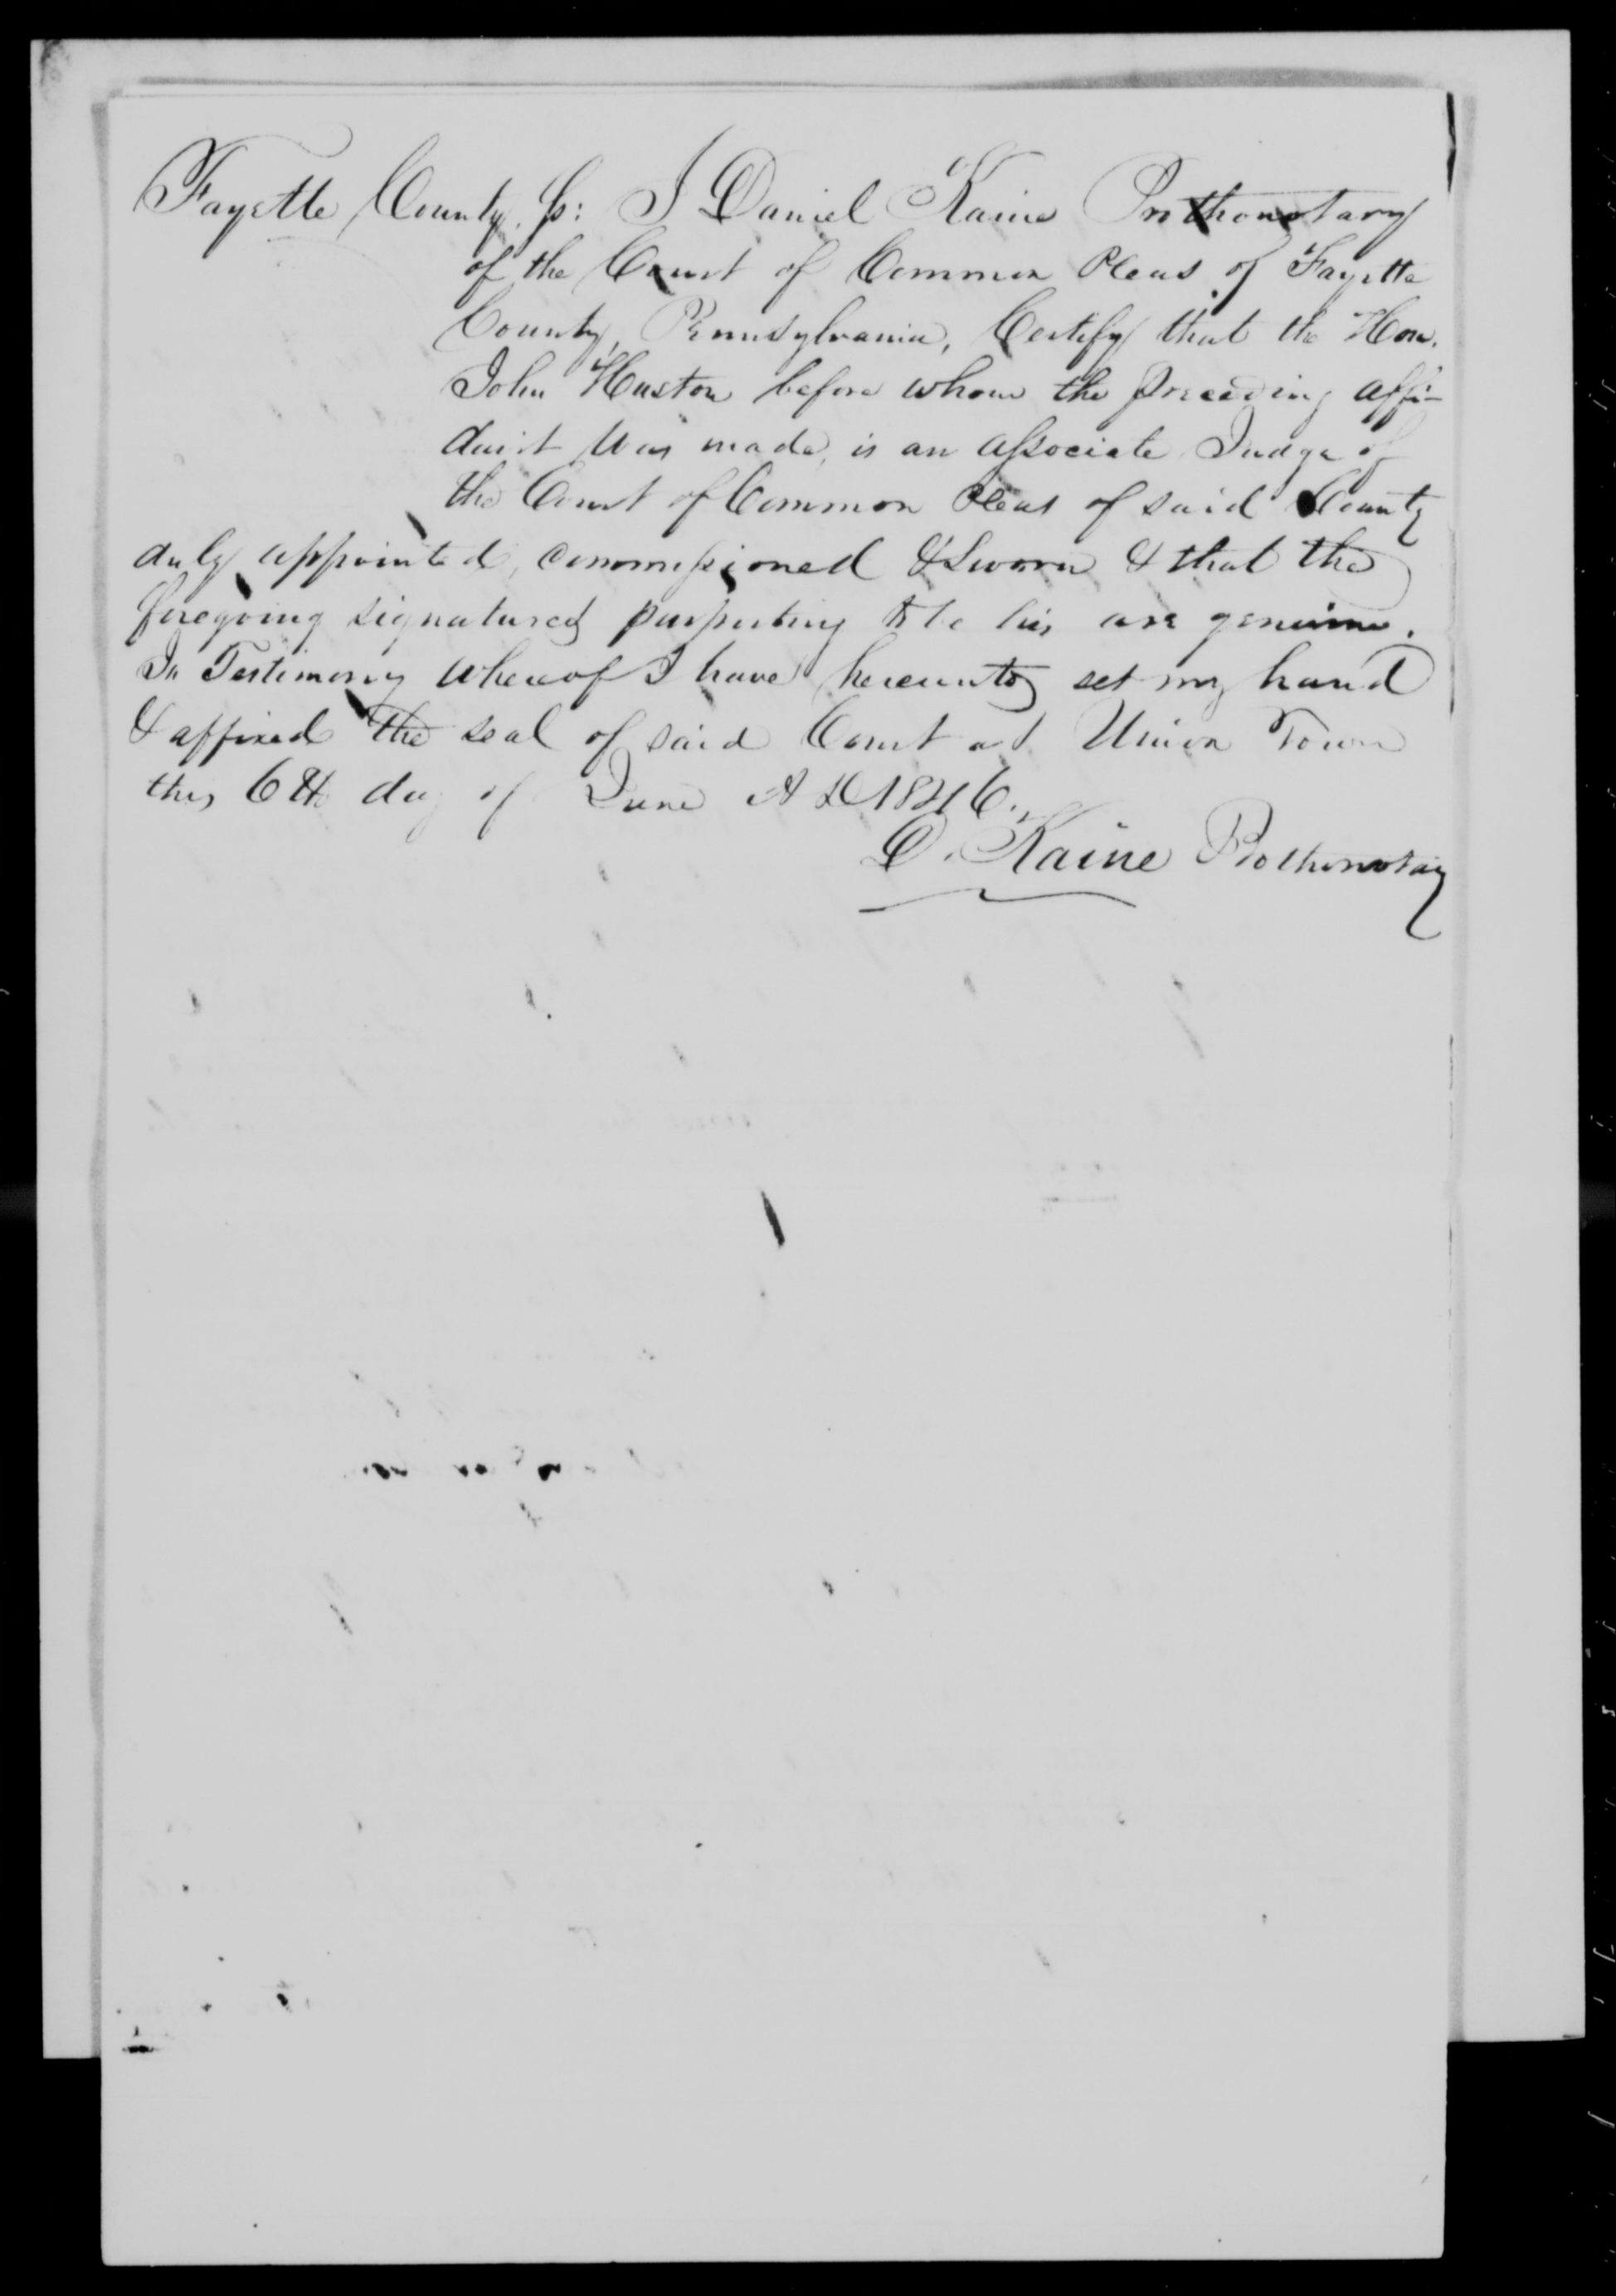Fayette County, [illegible]: I Daniel Kaine Prothonotary  of the Court of Common Pleas of Fayette County, Pennsylvania, Certify that the Hon. John Huston before whom the preceding affidavits was made is an Associate Judge of the Court of Common Pleas of said County duly appointed, commissioned, & sworn & that the foregoing signatures purporting to be his are genuine. In testimony whereof I have herewith set my hand and affixed the Seal of said Court and Union Town this 6th day of June A.D. 1846.
D. Kaine Prothonotary
[Note: No seal is showing on this document.]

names: John Huston; D Kaine; Daniel Kaine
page: 64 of 73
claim: widow's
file: W. 3197, for Peter Stillwagon, New Jersey